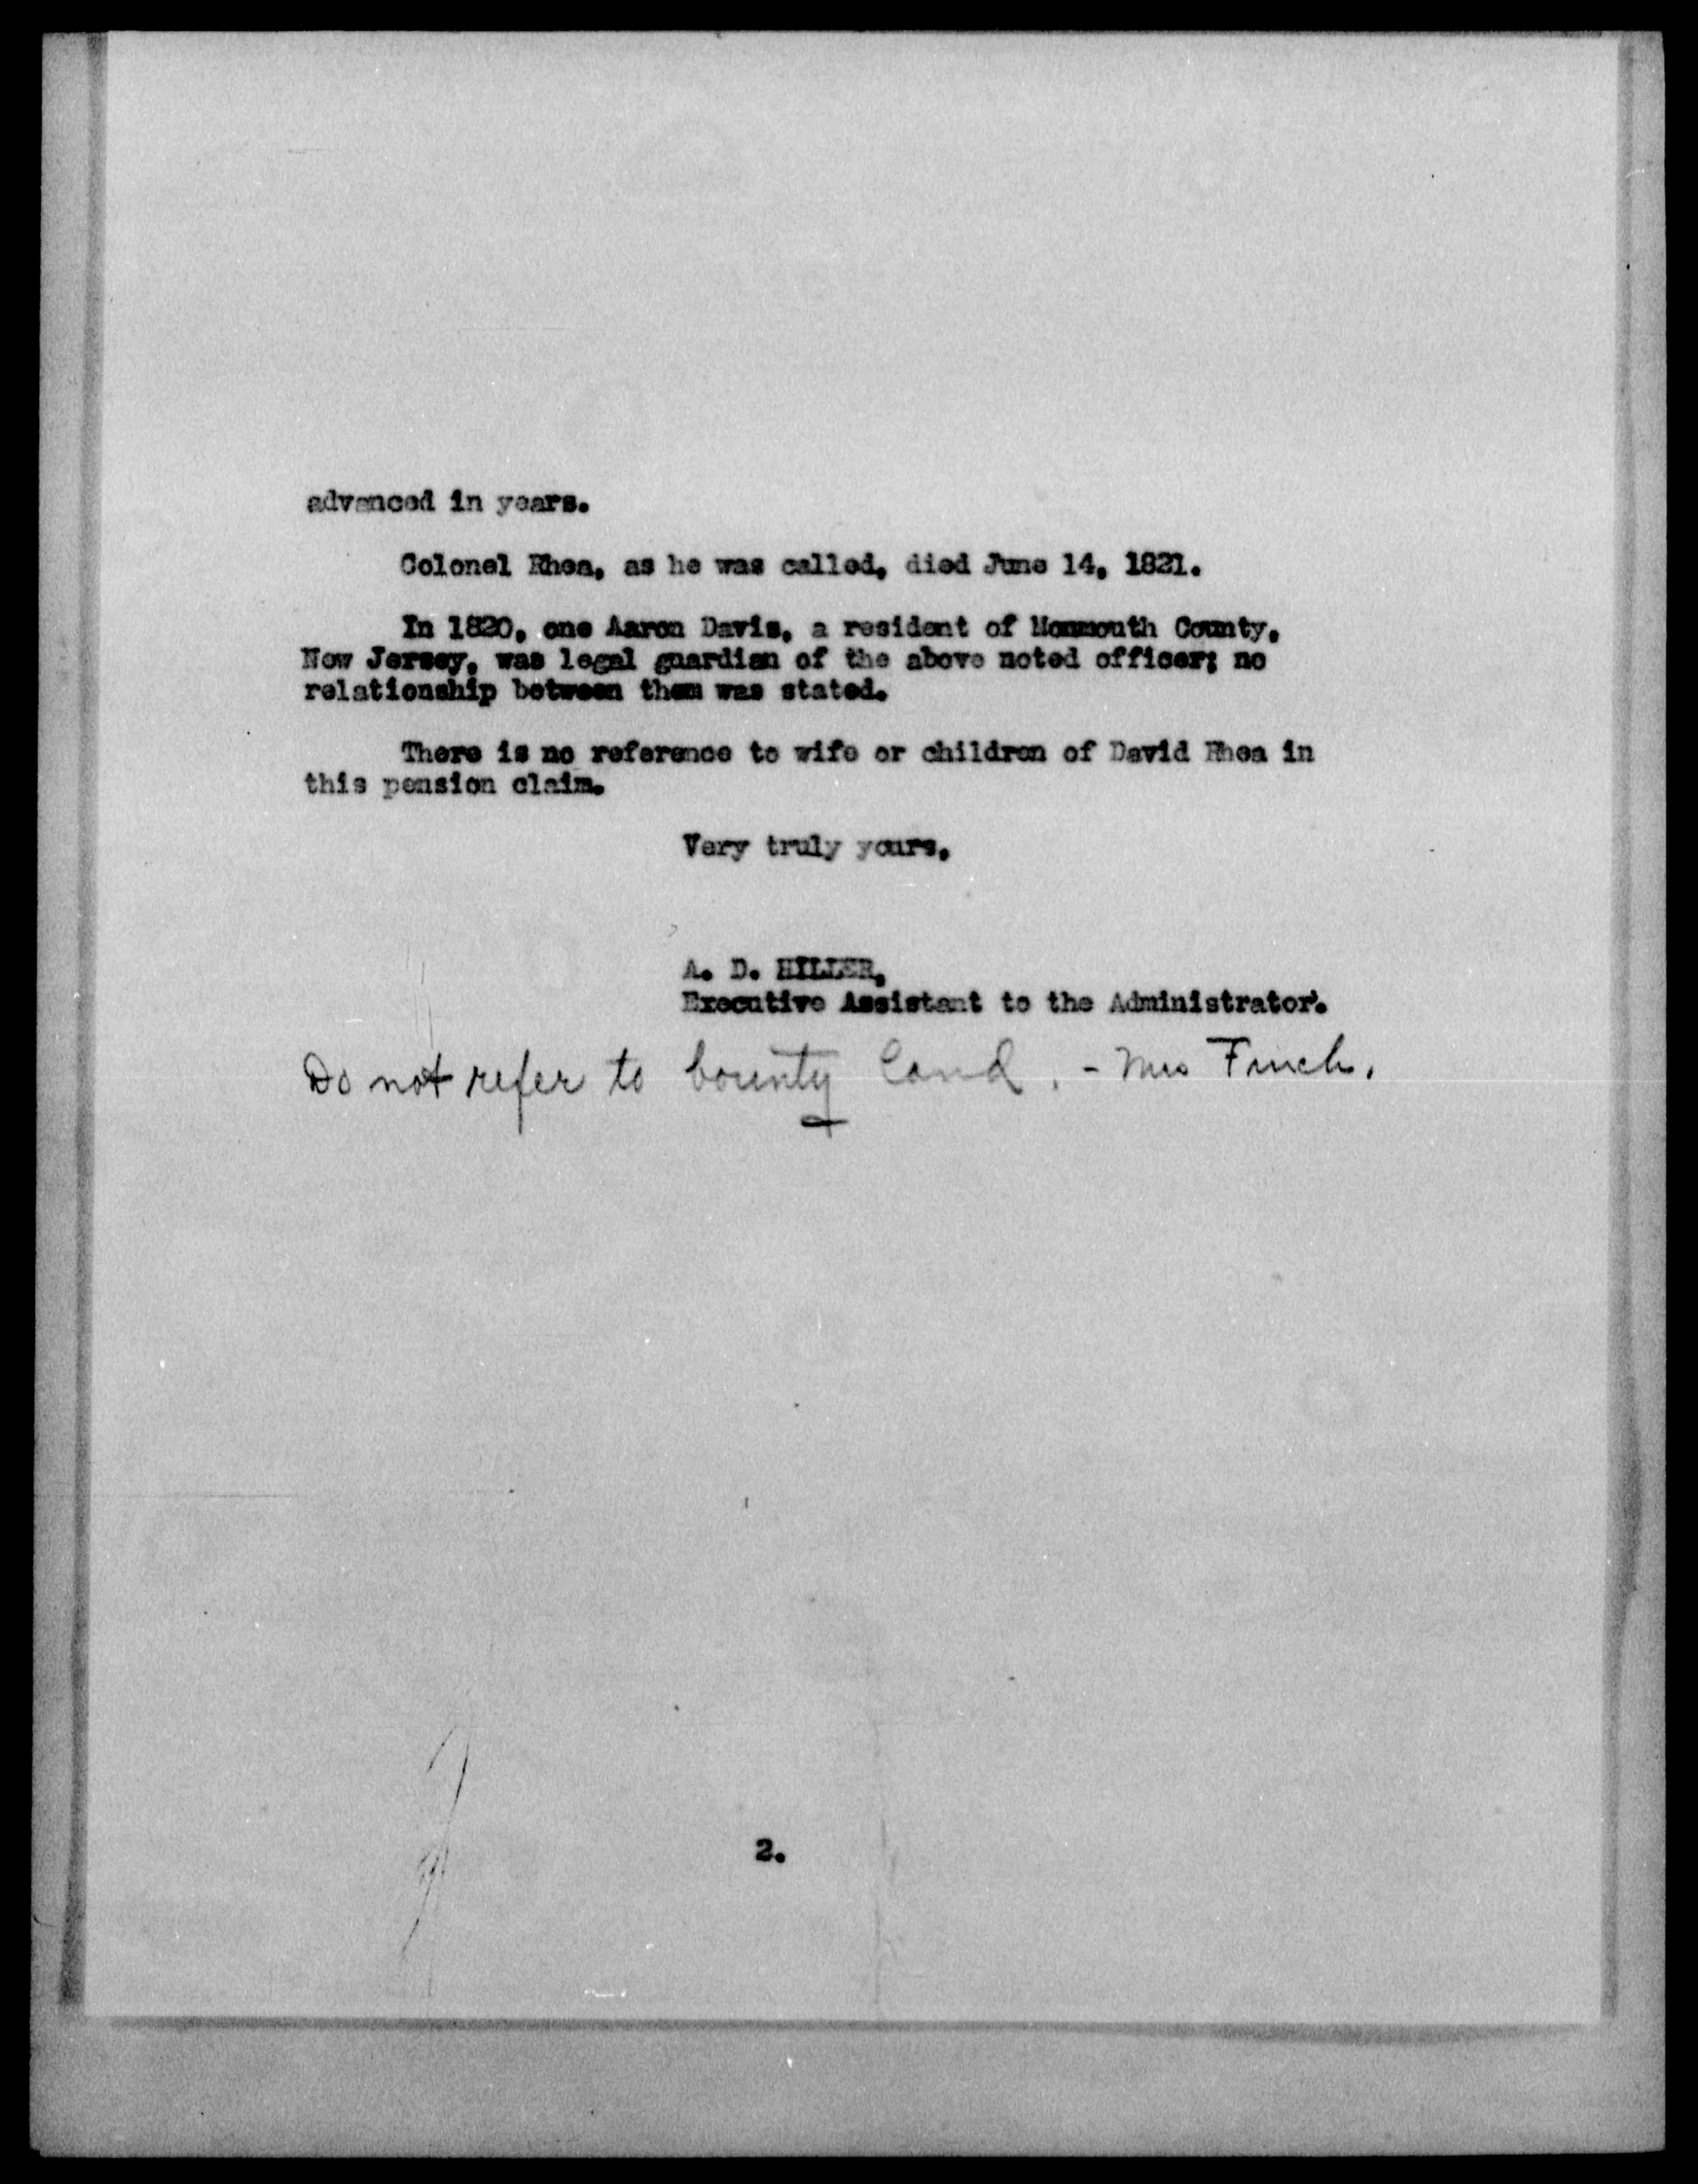advanced in years.

Colonel Rhea, as he was called, died June 14, 1821.

In 1820, one Aaron Davis, a resident of Monmouth County,
New Jersey, was legal guardian of the above noted officer; no
relationship between the two was stated.

There is no reference to wife or children of David Rhea in
this pension claim.

Very truly yours,
A. D. HILLER,
Executive Assistant to the Administrator.

Do not refer to bounty land. - Mrs Finch.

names: Aaron Davis; [BLANK] Rhea; [BLANK] Finch; A D Hiller; David Rhea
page: 12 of 21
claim: survivor's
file: S. 33,554, for David Rhea, New Jersey